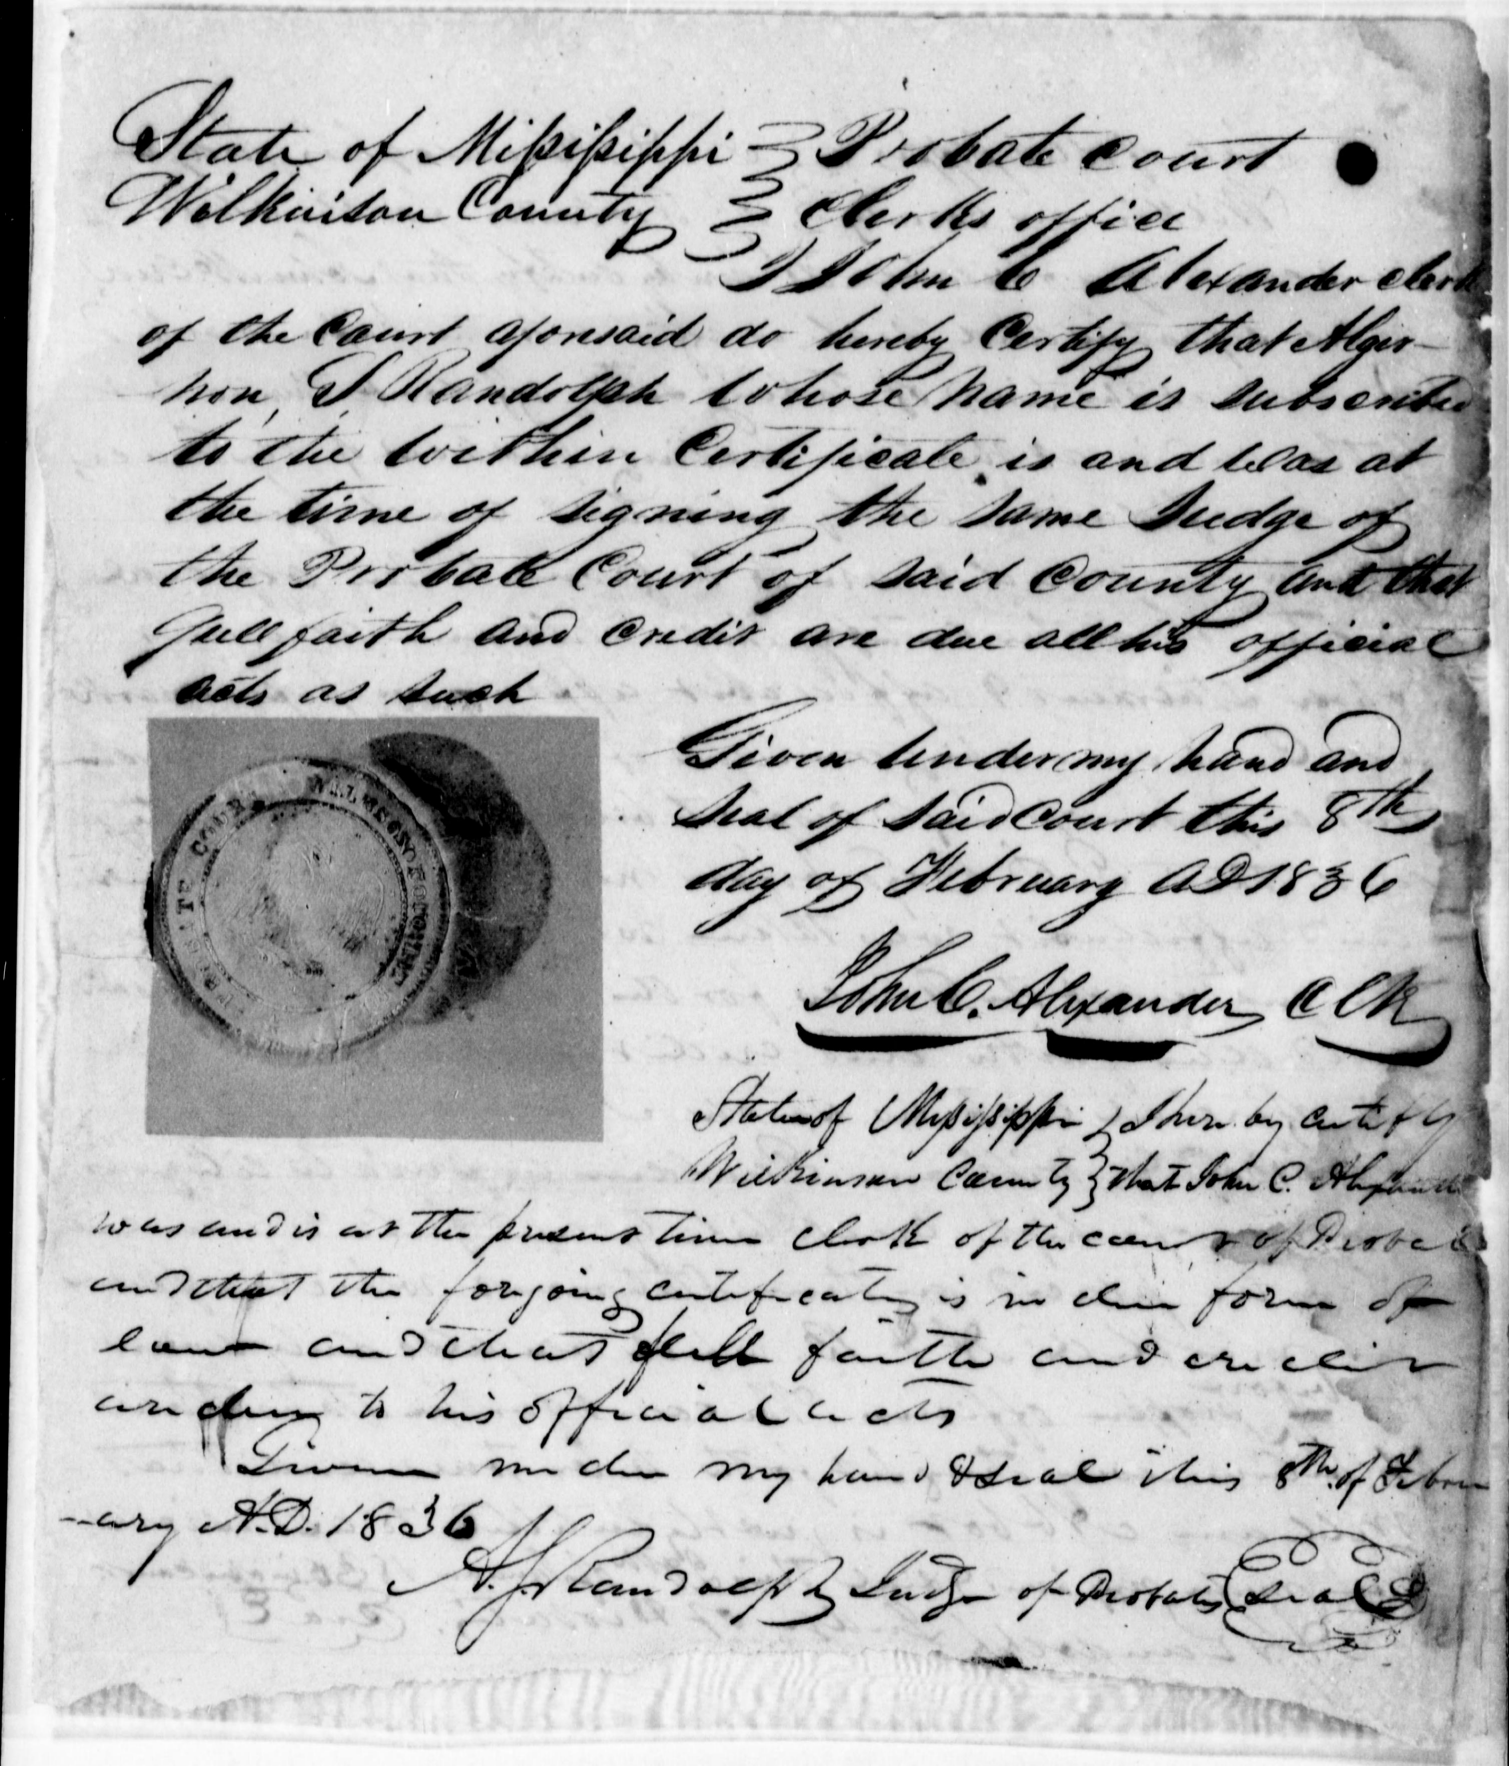State of Mississippi
Wilkinson County
Probate court Clerks office
I John C Alexander Clerk of the Court aforesaid do hereby certify that Algernon S. Randolph whose name is subscribed to the within certificate is and was at the time of signing the same Judge of
the Probate Court of said County and that full faith and credit are due all his official acts as such
Given under my hand and Seal of said Court this 8th day of February AD 1836
John C. Alexander Clk

State of Mississippi
Wilkinson County
I hereby certify That John C. Alexander was and is at the present time clerk of the court of Probate and that the foregoing certificate is in due form of law and that full faith and credit is due to his official acts
Given under my hand & seal this 8th of February A.D. 1836
A. J. Randolph Judge of Probate {seal}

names: John C Alexander, A J Randolph, John C Alexander, S Randolph, John C Alexander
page: 27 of 38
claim: survivor's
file: S. 30. 239, William Abbott, S.C.